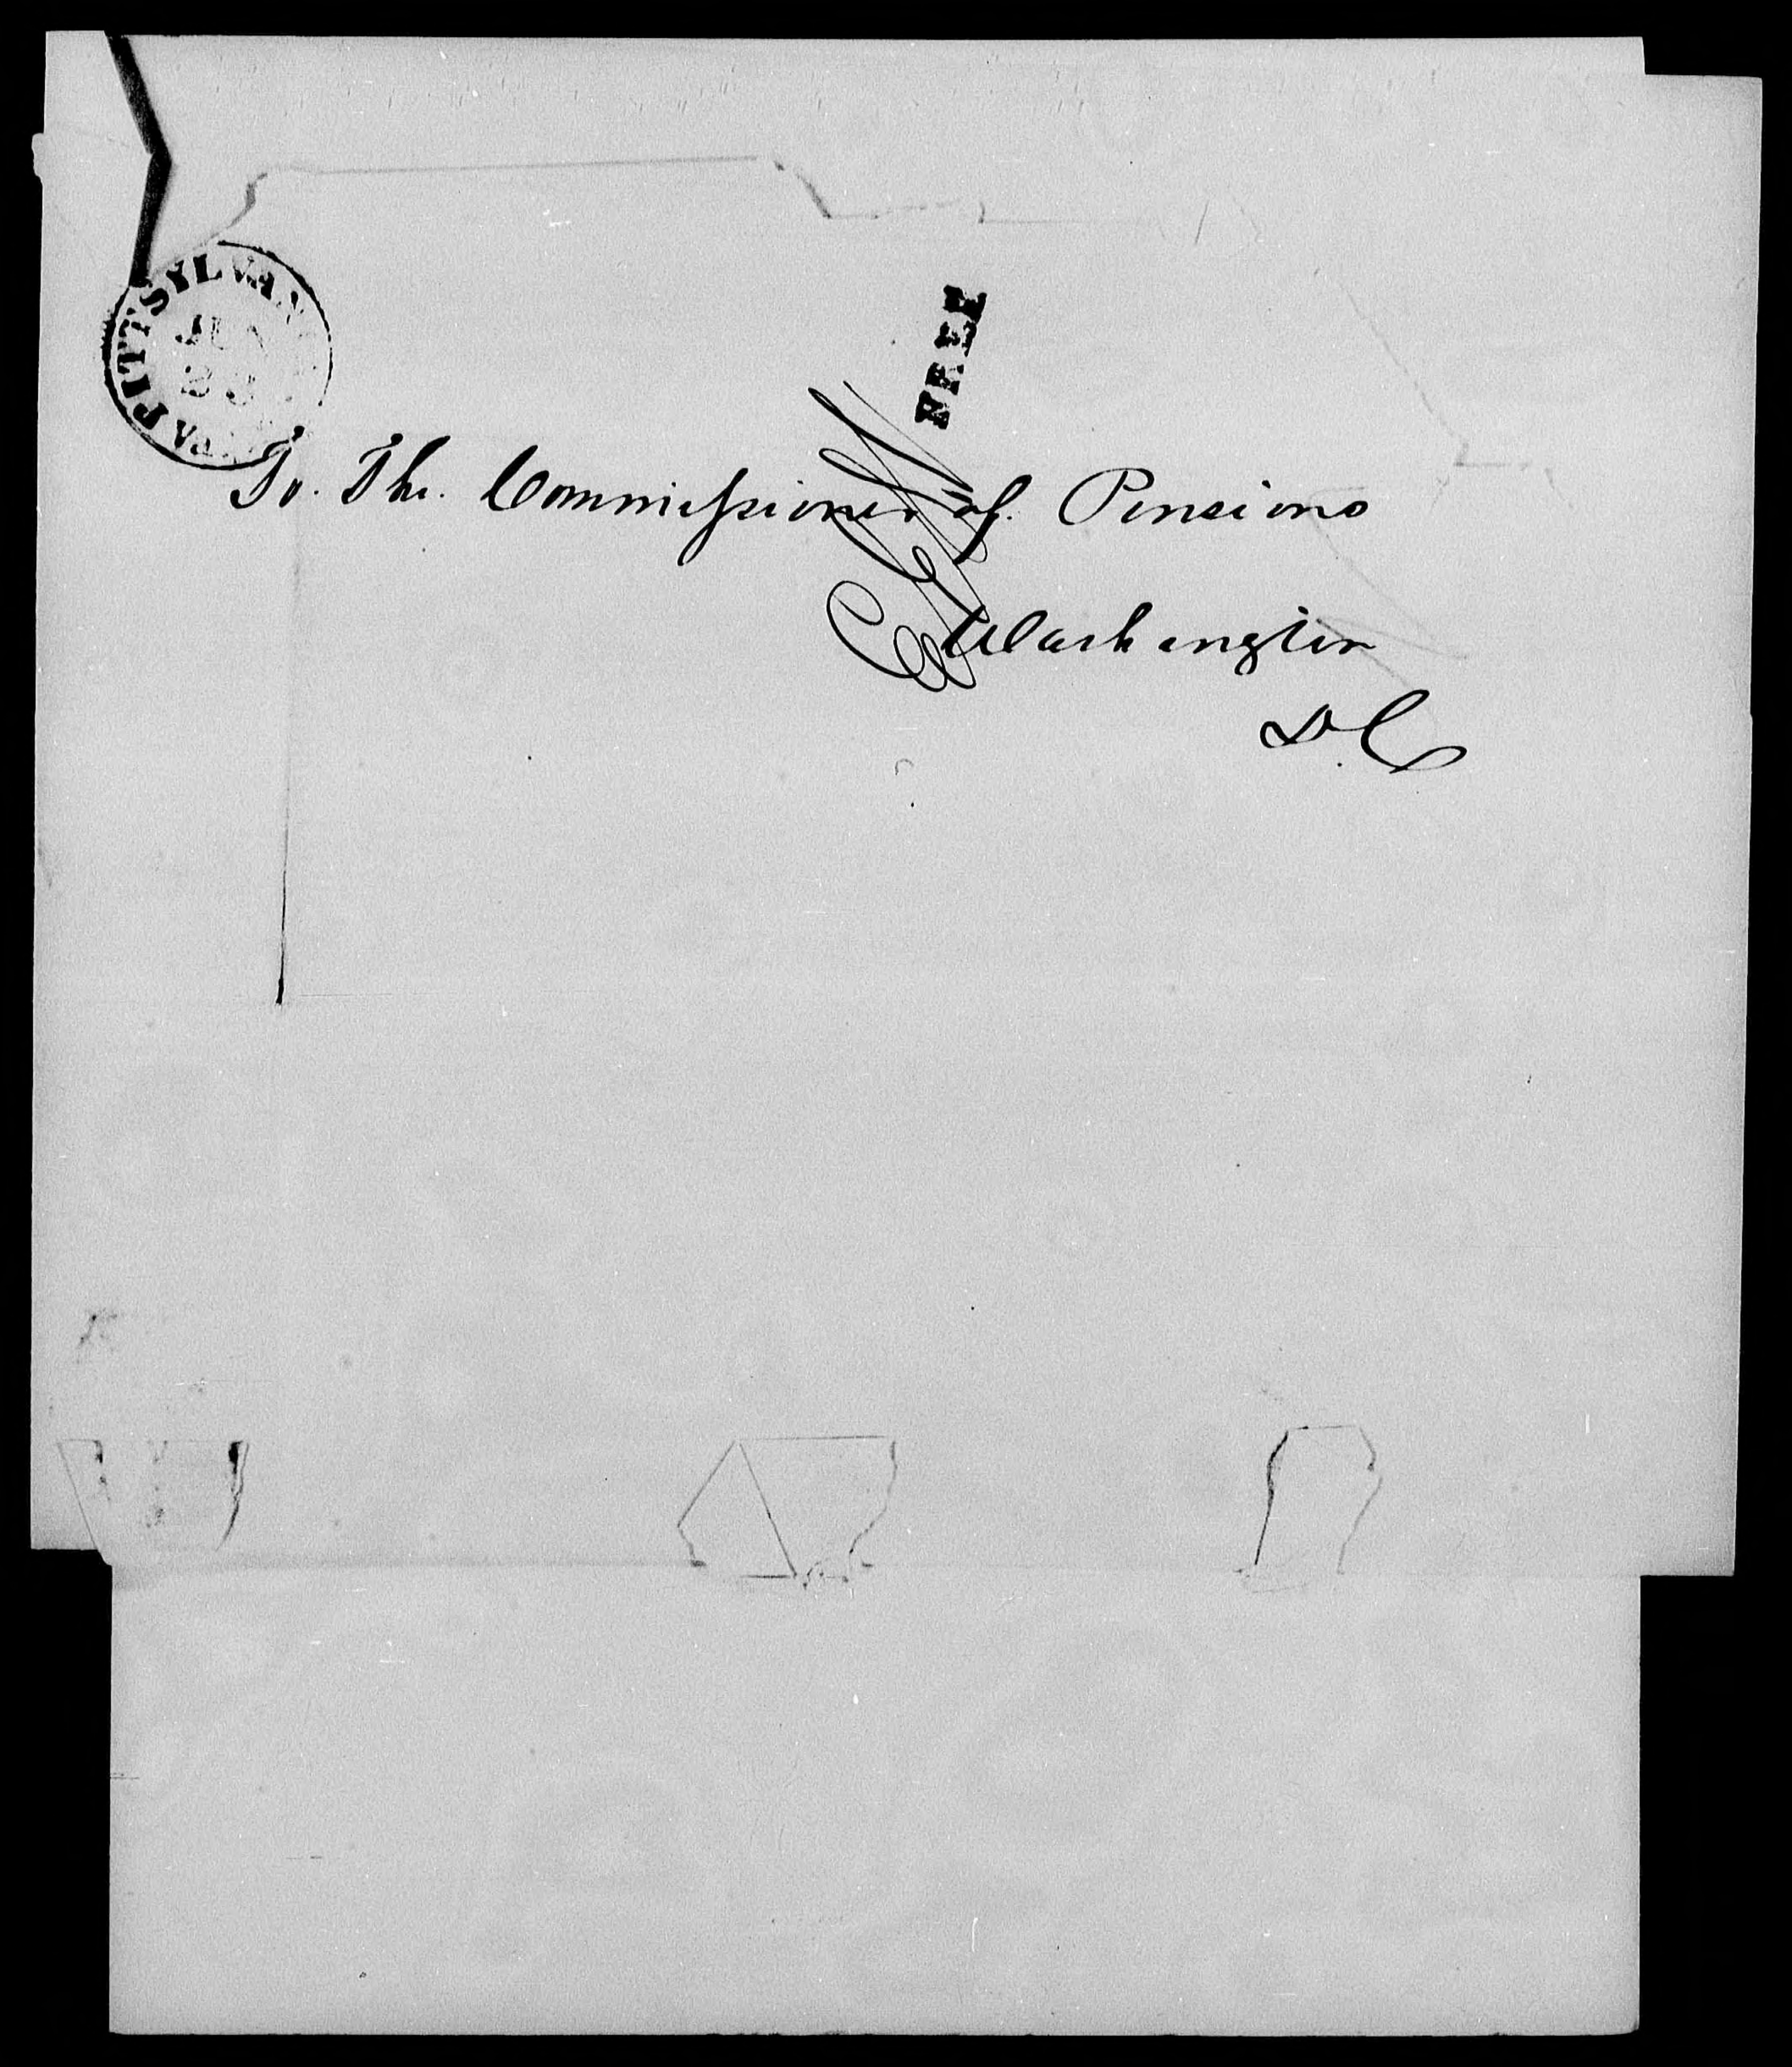To The Commissioner of Pensions
Washington DC
EEW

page: 54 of 81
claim: widow's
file: W. 7262, Robert Ferguson, Va.